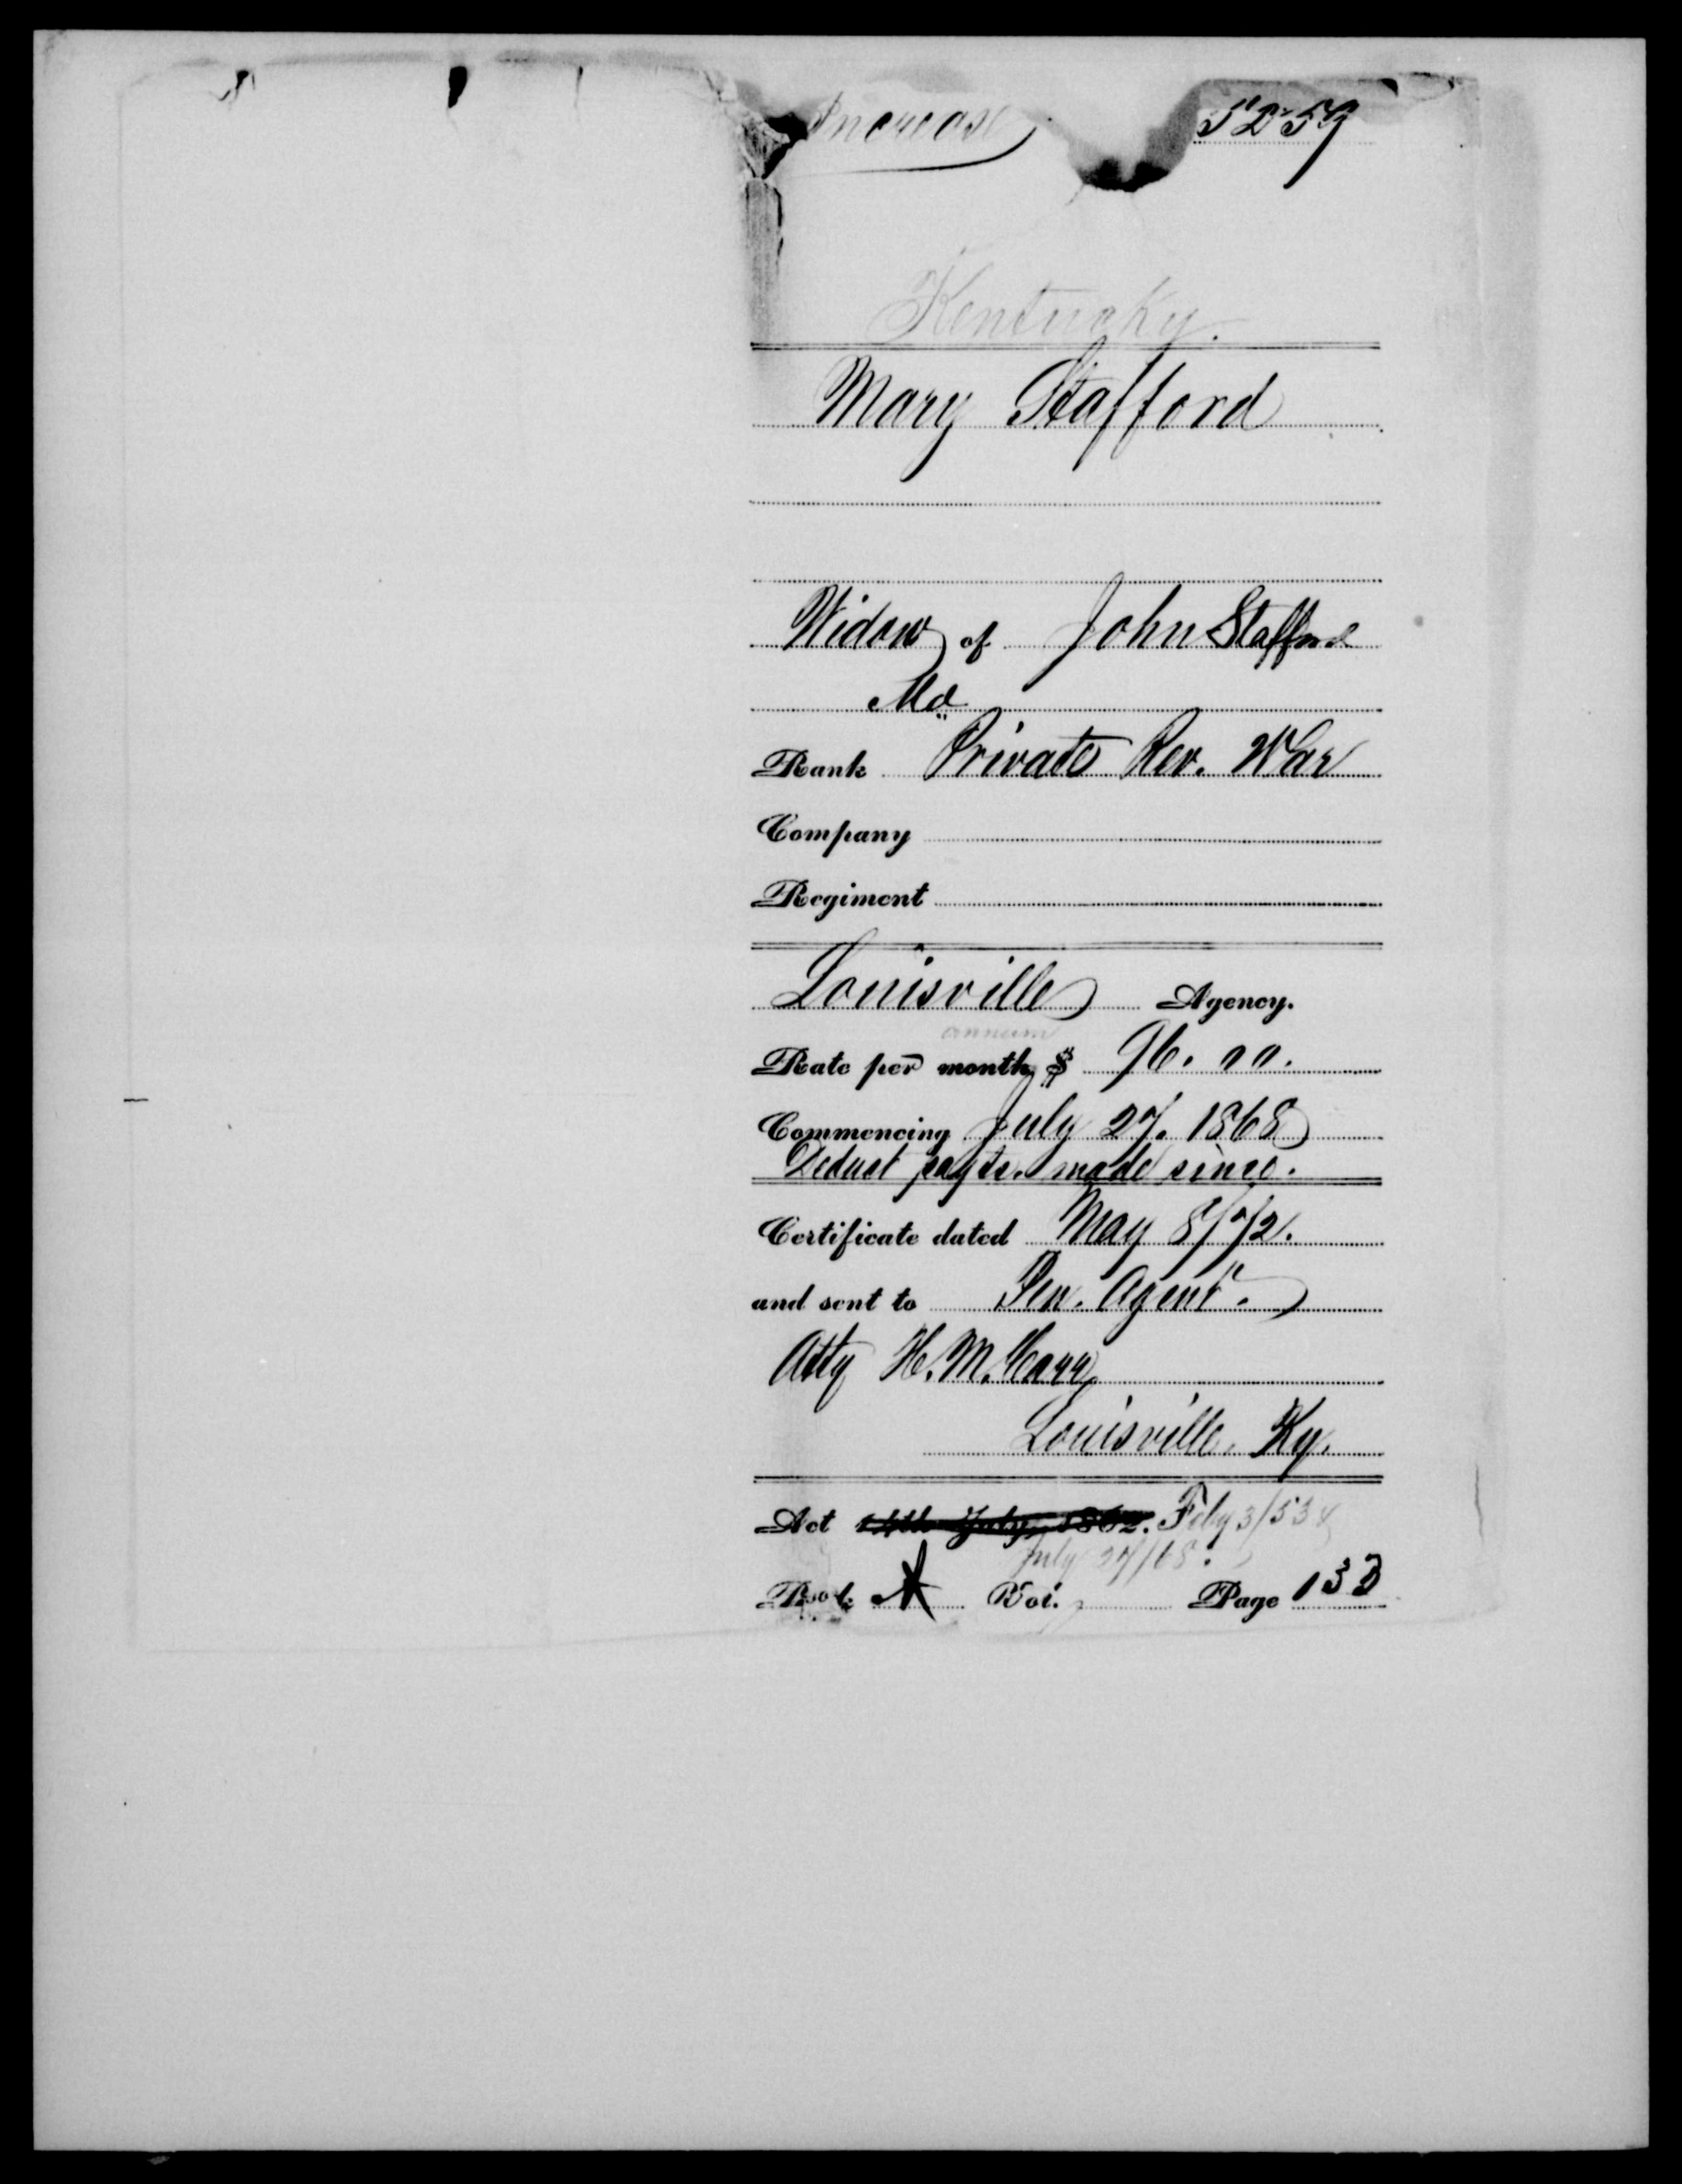Increase 5259
Kentucky
Mary Stafford
Widow of John Stafford MD
Rank Private Rev. War
Company [left blank]
Regiment [left blank]
Louisville Agency
Rate permonth$ 96.00
Commencing July 27, 1868
Deduct payment made since
Certificate dated May 8/72
and sent to Pen Agent,
Atty H. M. Carr
Louisville, Ky
Act 14th July, 1862[Crossed out] Feby 3/534 July 17/18[undecipheralbe]
Book * Vol [left blank] Page 133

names: H M Carr; Mary Stafford; John Stafford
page: 54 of 61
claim: widow's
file: W. 11554, for John Stafford, Maryland